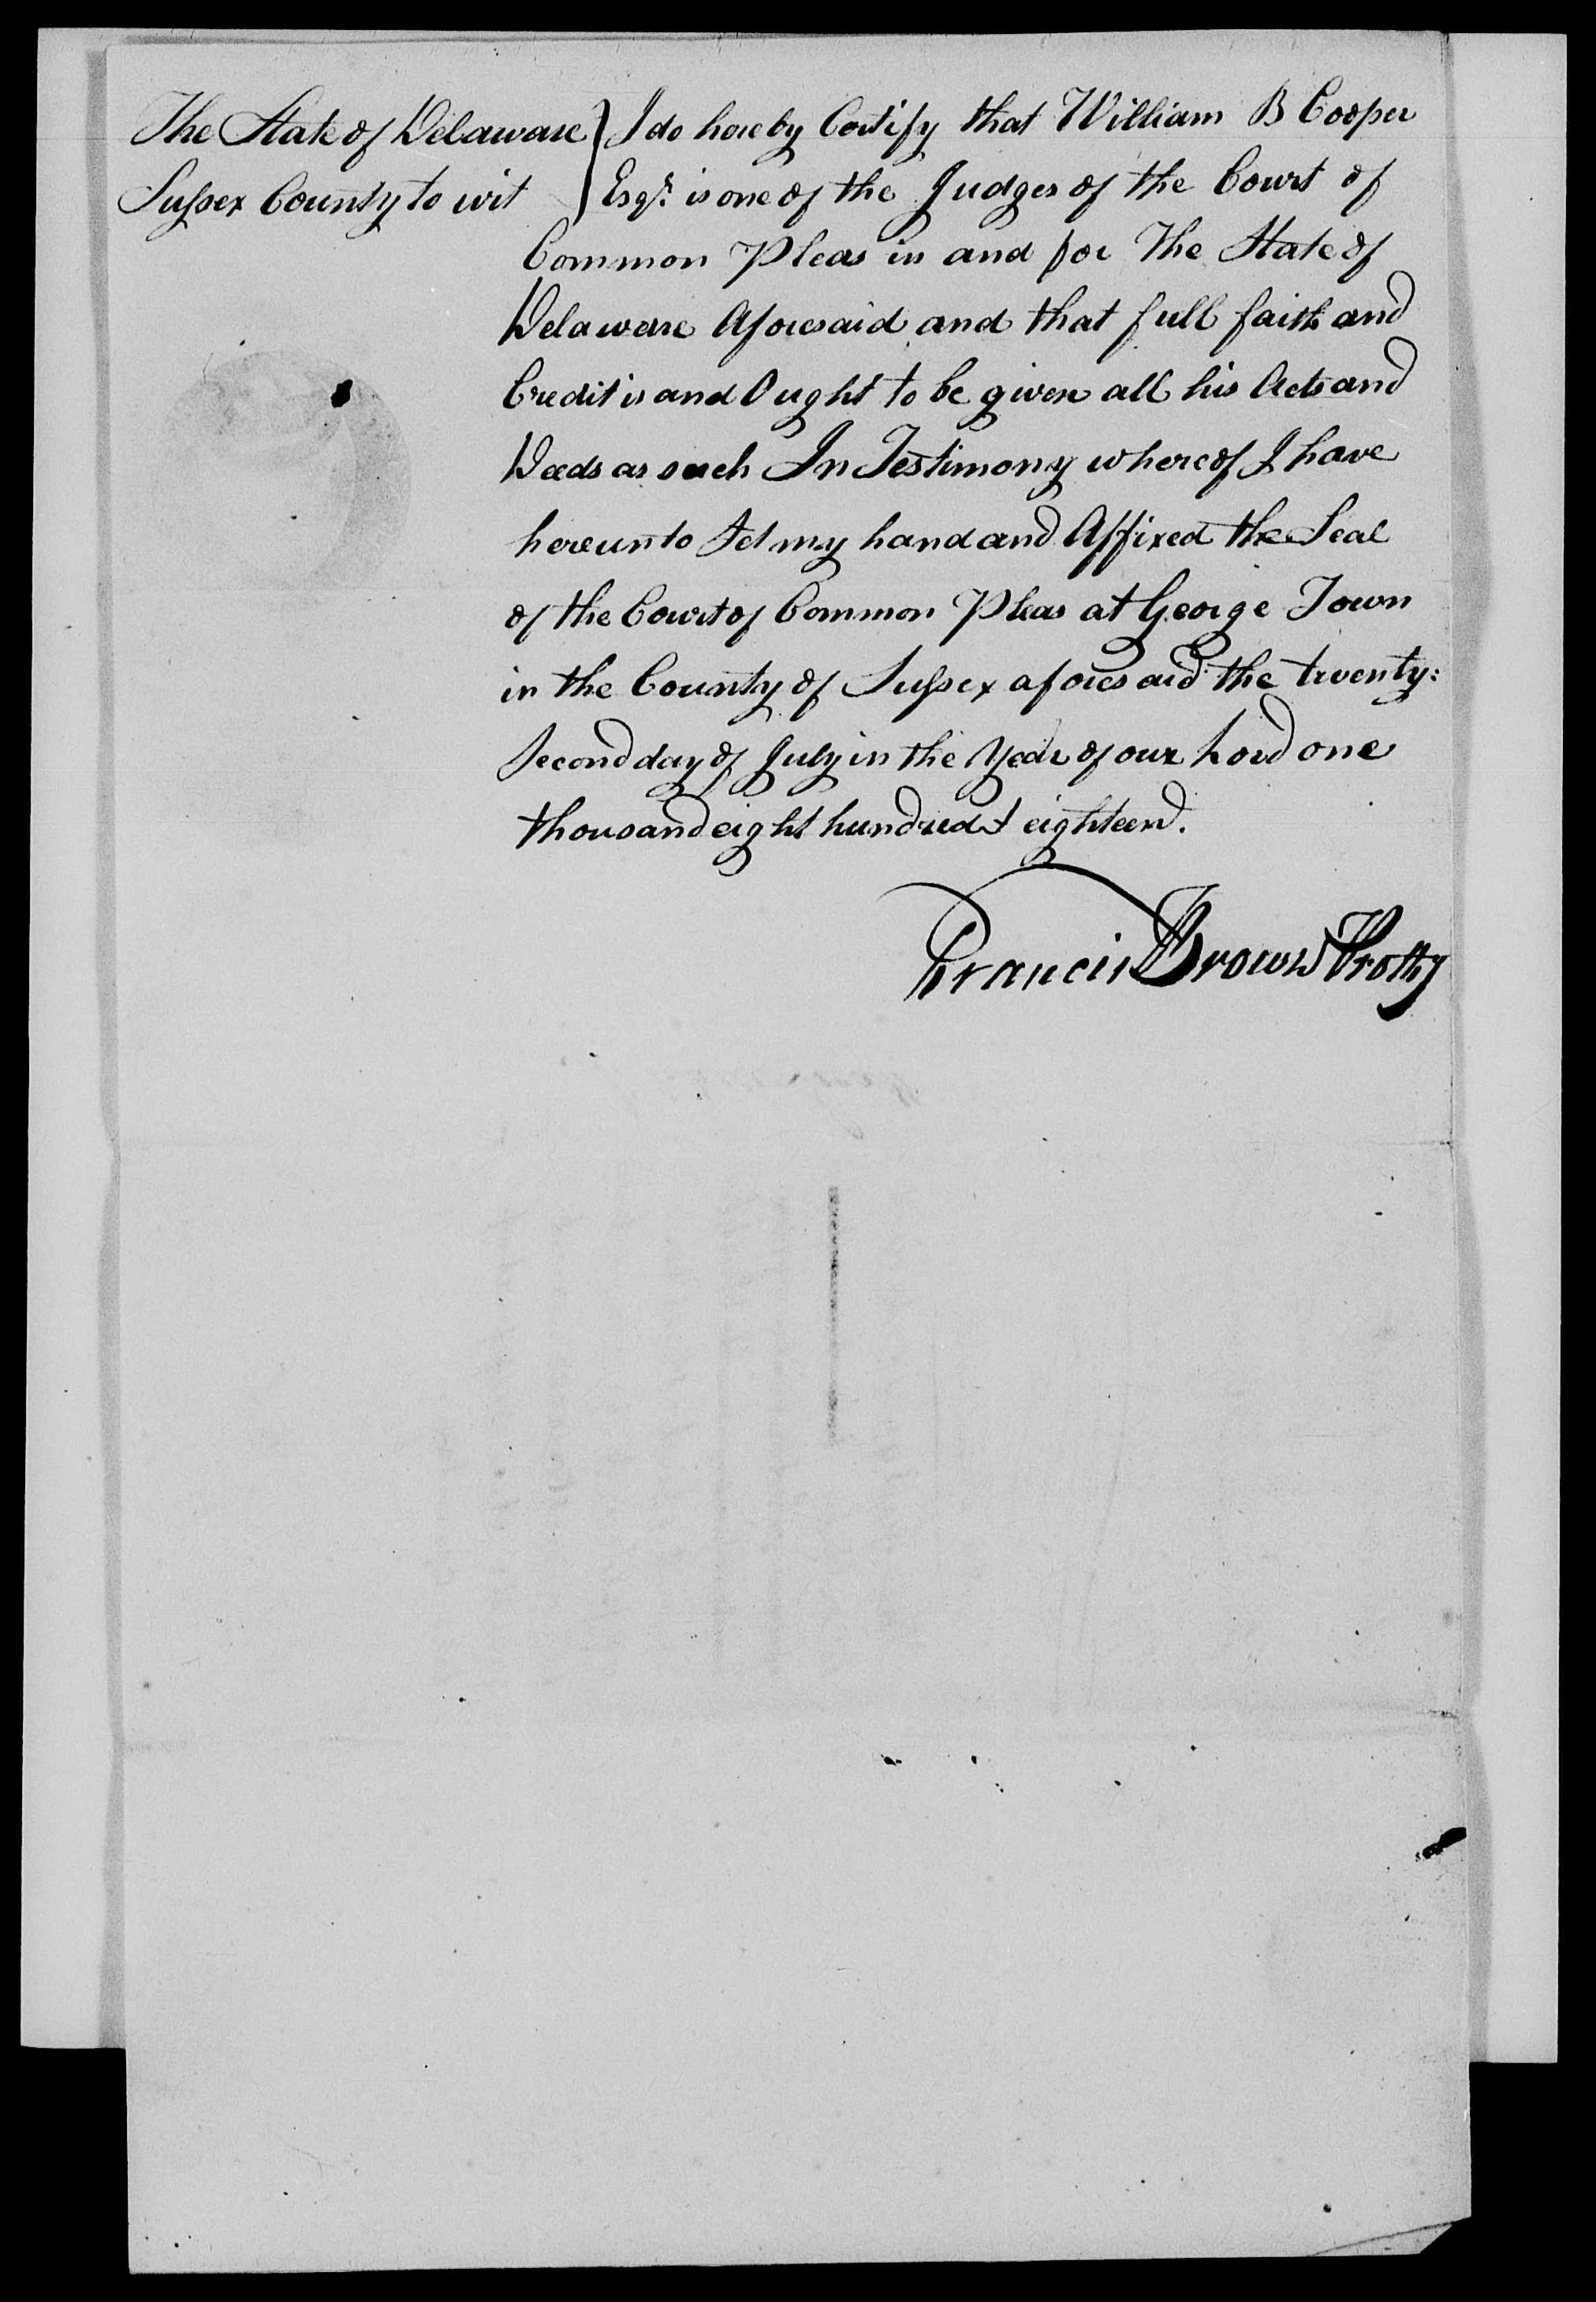The State of Delaware
Sussex County to wit}
I do hereby certify that William B Cooper Esqr. is one of the Judges of the Court of Common Pleas in and for the State of Delaware aforesaid and that full faith and credit is and ought to be given all his Acts and Deeds as such In Testimony whereof I have hereunto set my hand and affixed the seal of the Court of Common Pleas at George Town in the County of Sussex aforesaid the twenty second day of July in the year of our Lord one thousand eight hundred eighteen.
[signed] Francis Brown Prothy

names: Francis Brown; William B Cooper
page: 4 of 12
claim: survivor's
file: S. 36,040, for Mitchell Lecatt, Delaware